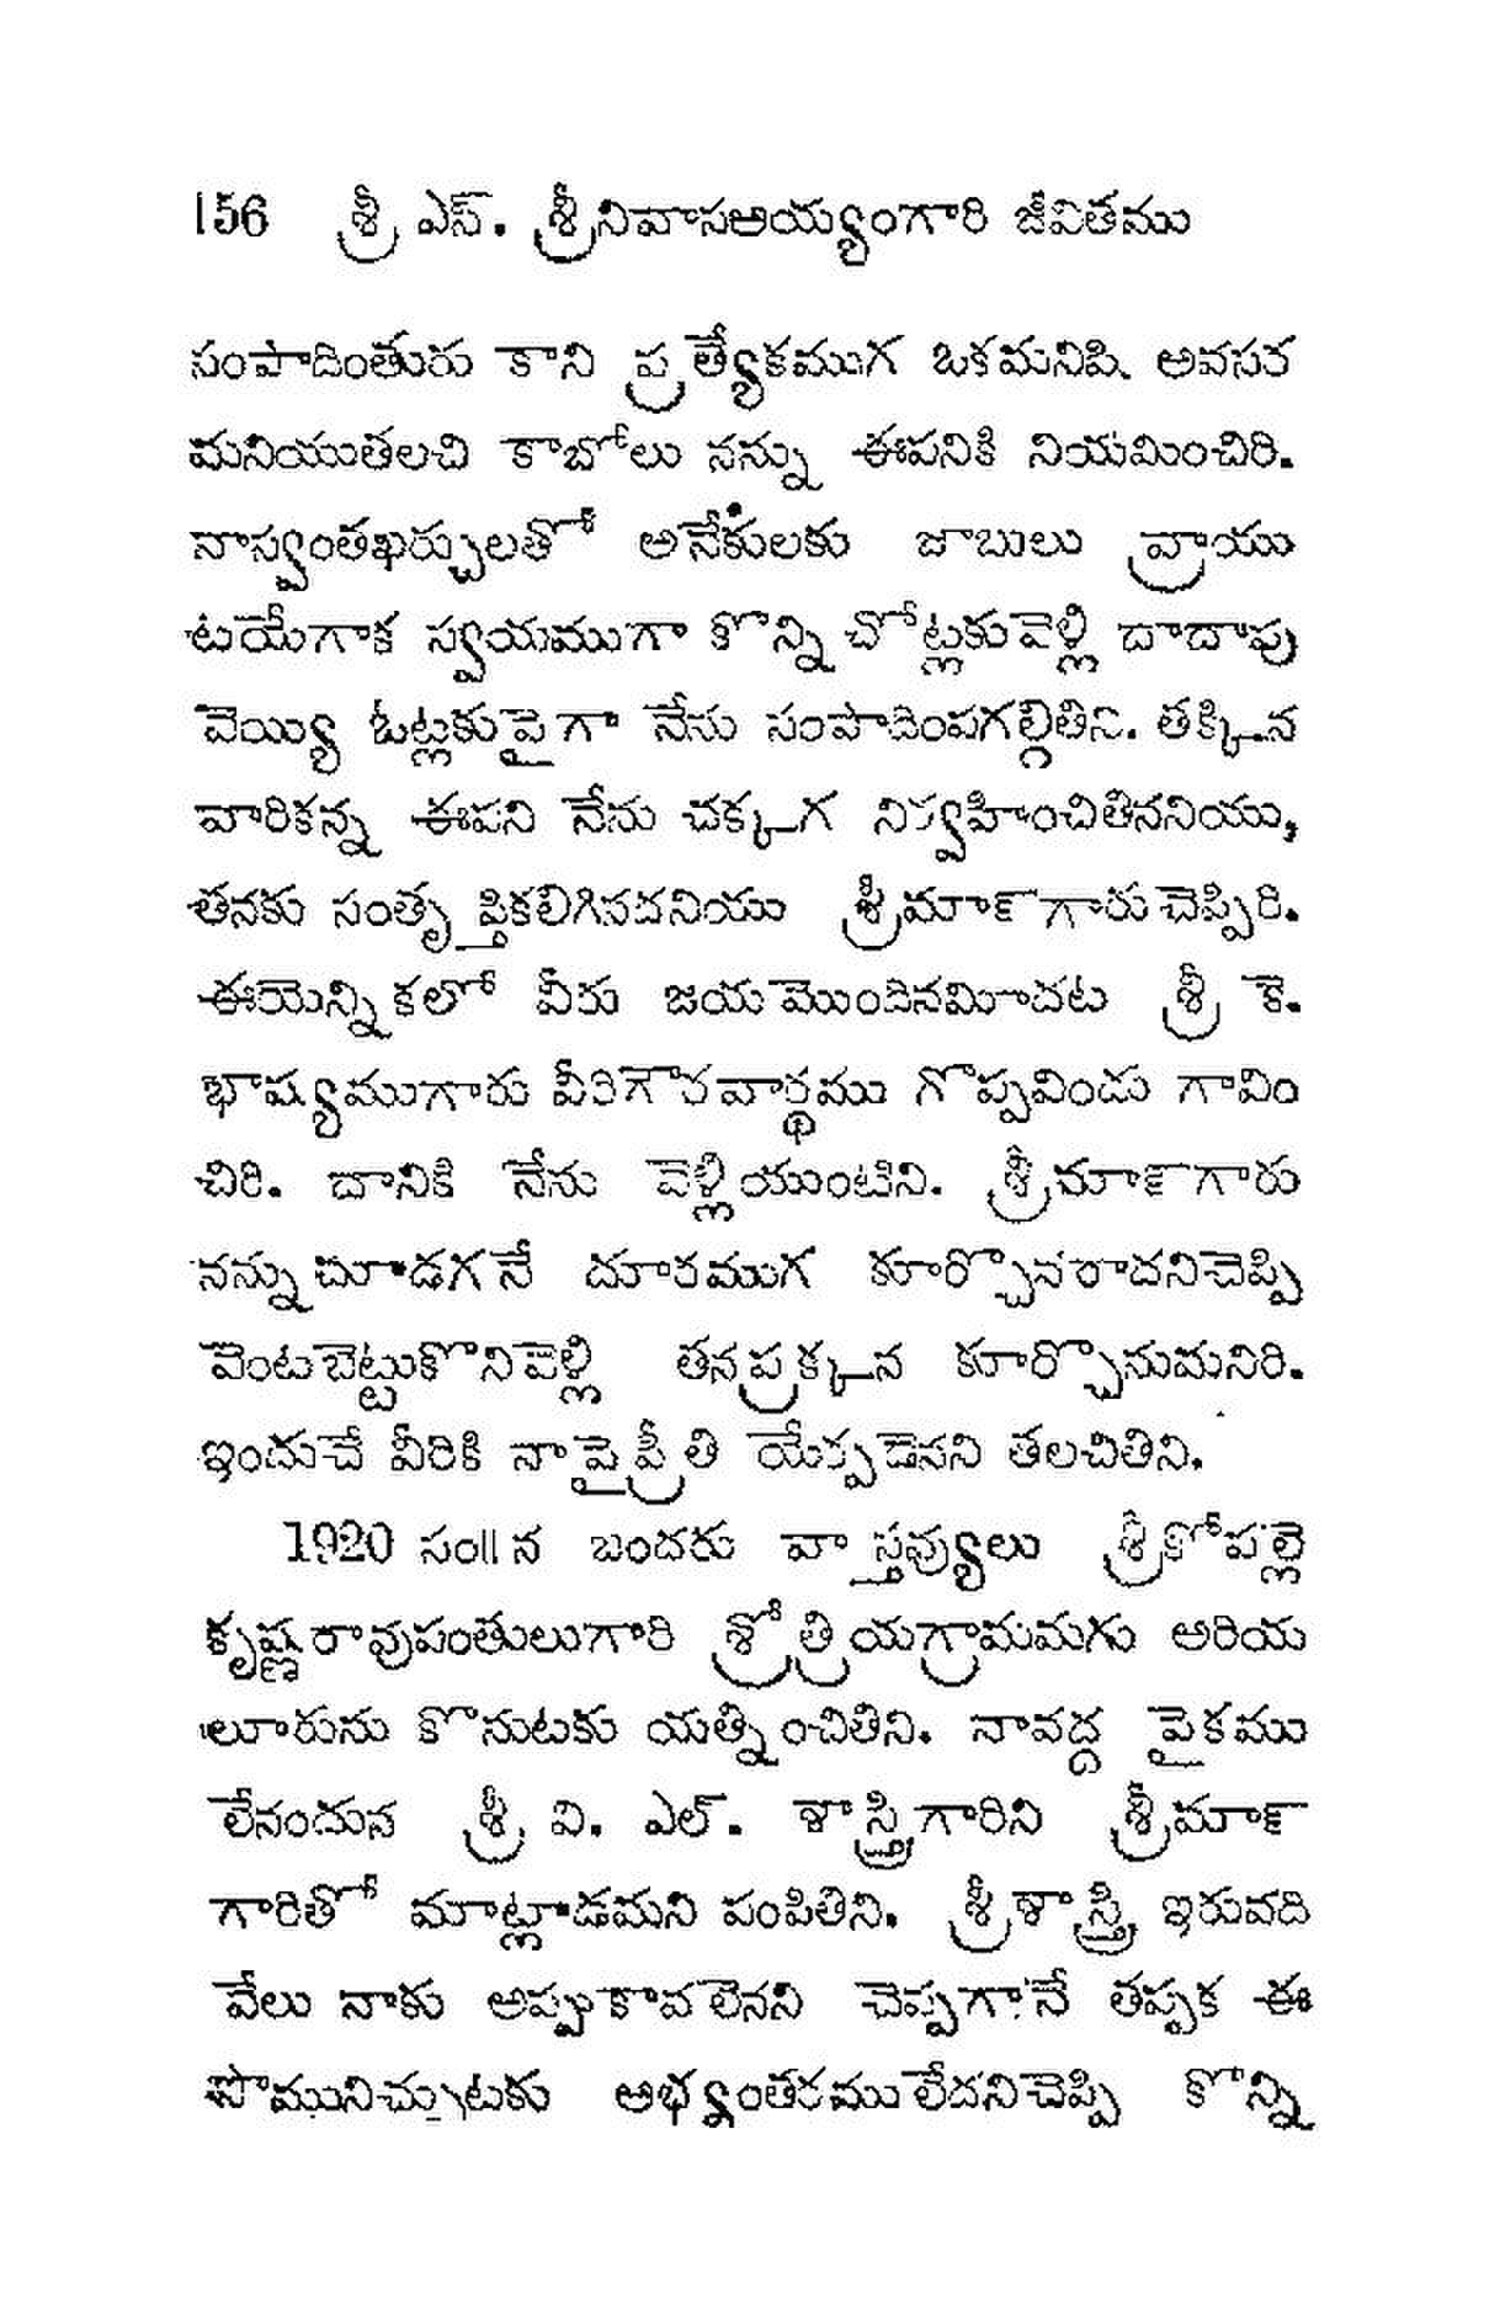సంపాదింతురు కాని ప్రత్యేకముగ ఒకమనిషి అవసరమనియుతలచి కాబోలు నన్ను ఈపనికి నియమించిరి. నాస్వంతఖర్చులతో అనేకులకు జాబులు వ్రాయుటయేగాక స్వయముగా కొన్నిచోట్లకువెళ్లి దాదాపు వెయ్యి ఓట్లకుపైగా నేను సంపాదింపగల్గితిని. తక్కిన వారికన్న ఈపని నేను చక్కగ నిర్వహించితిననియు, తనకు సంతృప్తి కలిగినదనియు శ్రీమా౯గారు చెప్పిరి. ఈయెన్నికలో వీరు జయమొందినమీదట శ్రీ కె. భాష్యముగారు వీరిగౌరవార్థము గొప్పవిందు గావించిరి. దానికి నేను వెళ్లియుంటిని. శ్రీమా౯గారు నన్నుచూడగనే దూరముగ కూర్చొనరాదనిచెప్పి వెంటబెట్టుకొనివెళ్లి తనప్రక్కన కూర్చొనుమనిరి. ఇందుచే వీరికి నాపైప్రీతి యేర్పడెనని తలచితిని.

1920 సం||న బందరు వాస్తవ్యులు శ్రీకోపల్లె కృష్ణరావుపంతులుగారి శ్రోత్రియగ్రామమగు అరియలూరును కొనుటకు యత్నించితిని. నావద్ద పైకము లేనందున శ్రీ వి. ఎల్. శాస్త్రిగారిని శ్రీమా౯గారితో మాట్లాడమని పంపితిని. శ్రీశాస్త్రి ఇరువదివేలు నాకు అప్పుకావలెనని చెప్పగానే తప్పక ఈ సొమ్మునిచ్చుటకు అభ్యంతరములేదనిచెప్పి కొన్ని